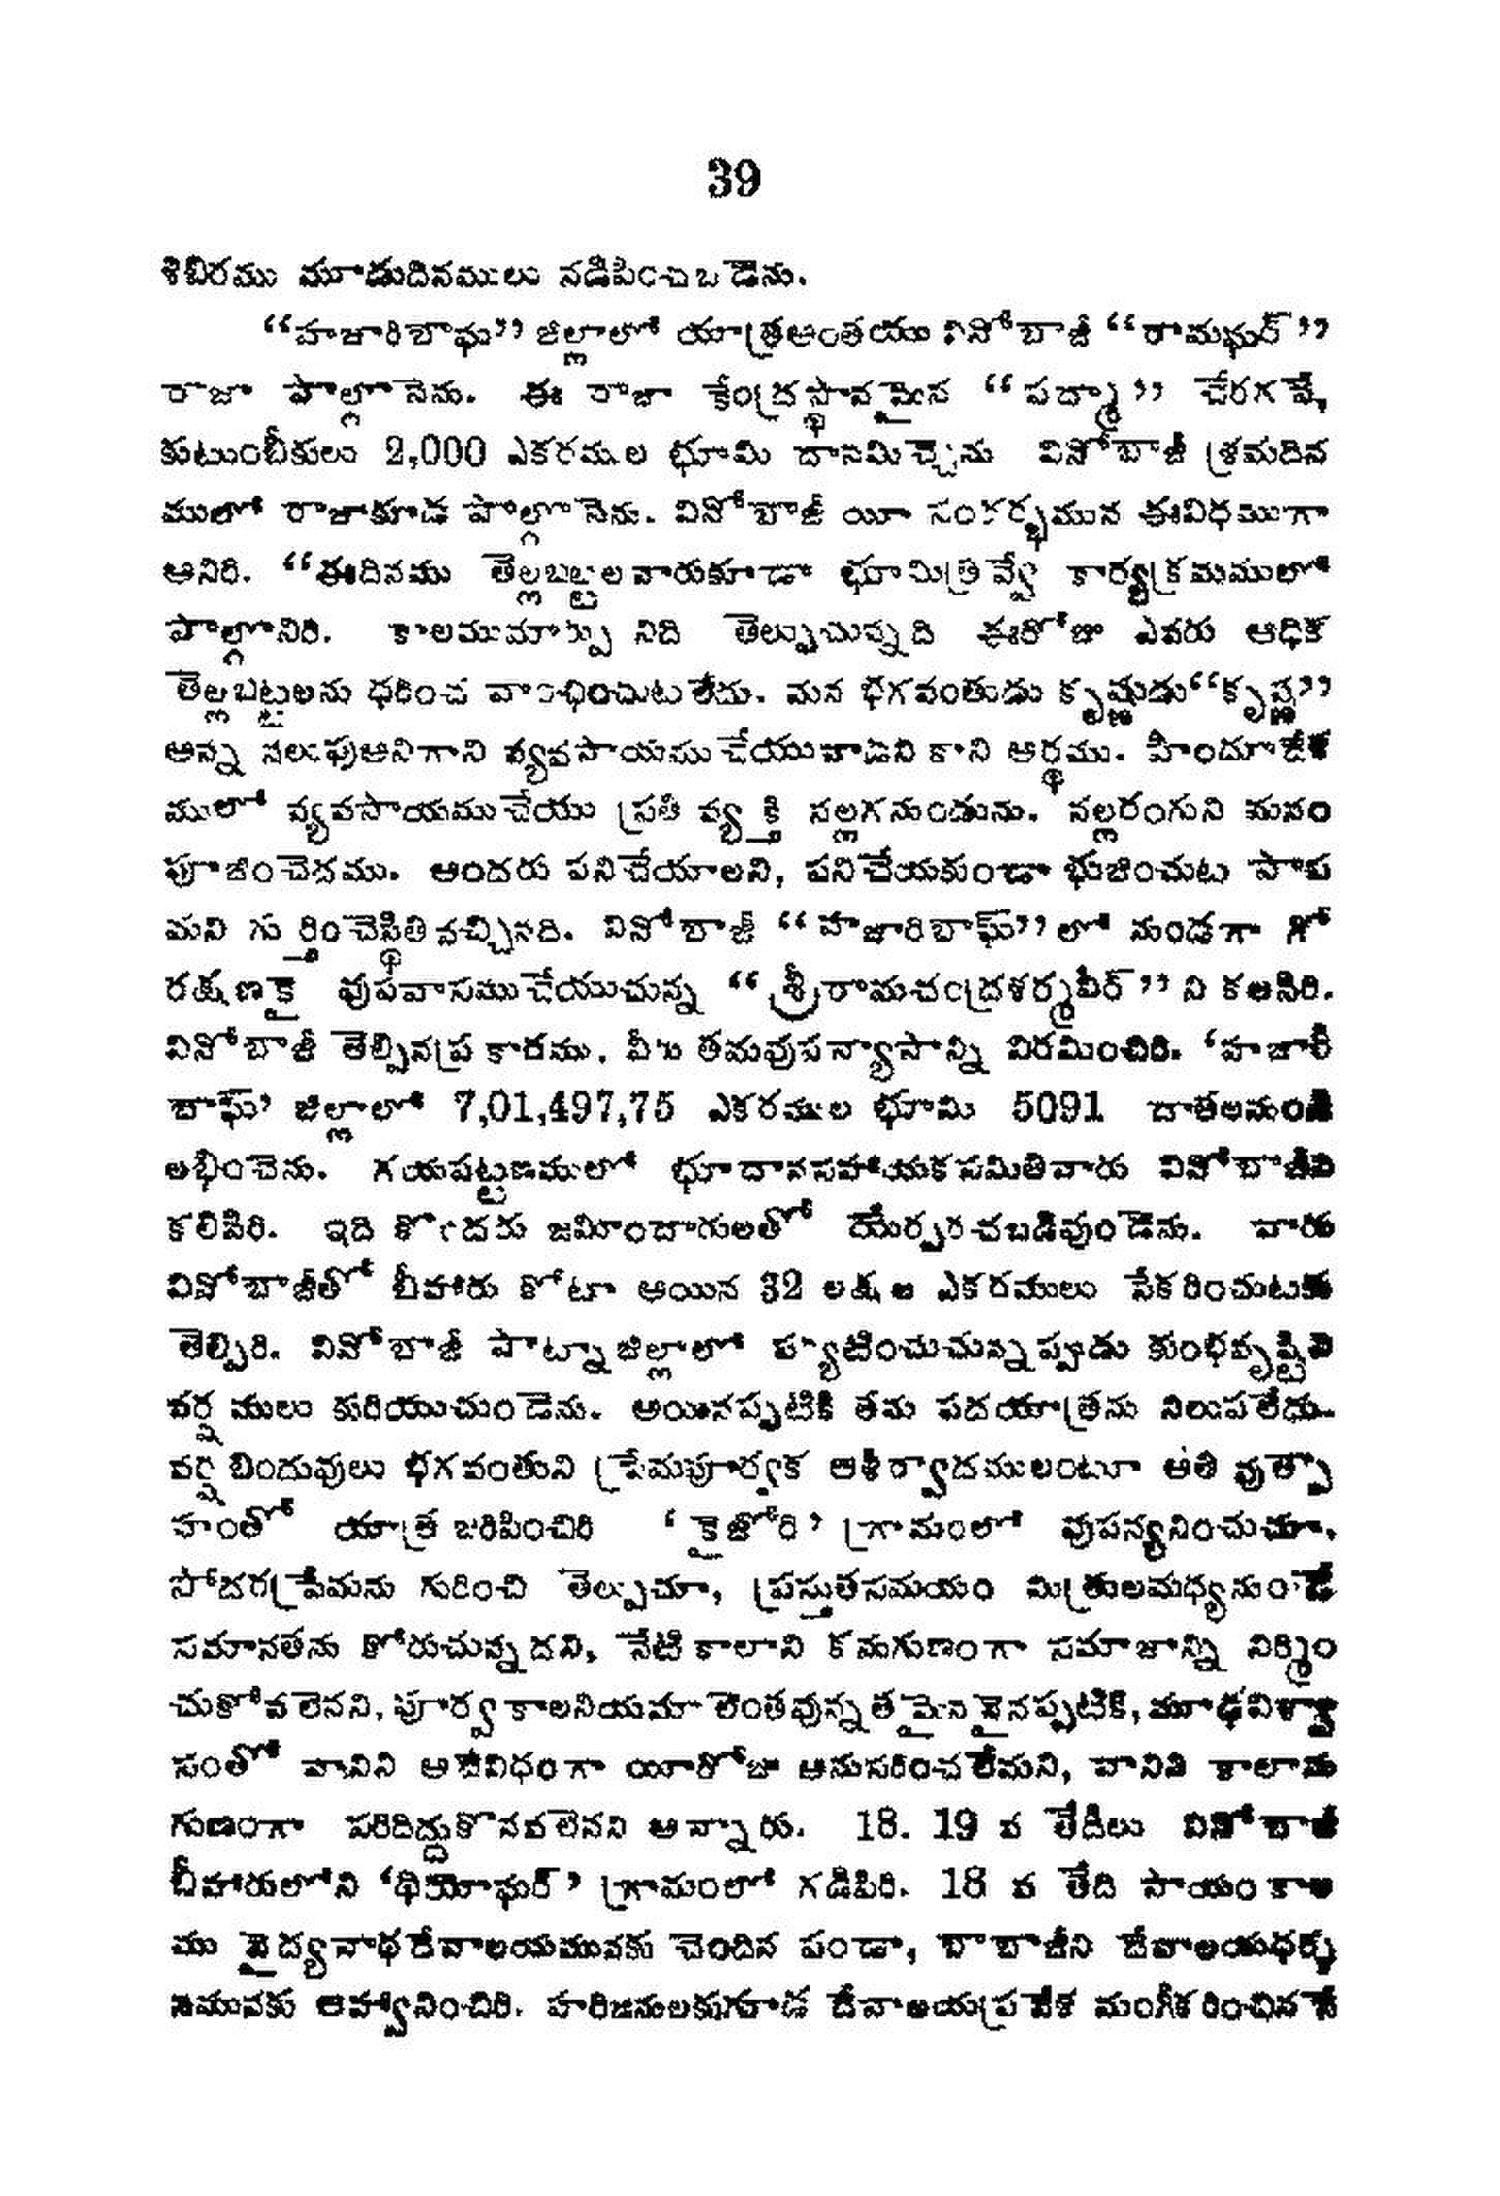శిబిరము మూడుదినములు నడిపించబడెను.

"హజారిబాఘ" జిల్లాలో యాత్రఅంతయు వినోబాజీ "రామఘర్" రాజా పాల్గొనెను. ఈ రాజా కేంద్రస్థానమైన "పద్మా" చేరగనే, కుటుంబీకులు 2,000 ఎకరముల భూమి దానమిచ్చెను. వినోబాజీ శ్రమదినములో రాజాకూడ పొల్గొనెను. వినోబాజీ యీ సందర్బమున ఈవిధముగా అనిరి. “ఈదినము తెల్లబట్టలవారుకూడా భూమిత్రవ్వే కార్యక్రమములో పాల్గొనిరి. కాలముమార్పు నిది తెల్పుచున్నది. ఈరోజు ఎవరు ఆధిక తెల్లబట్టలను ధరించ వాంఛించుటలేదు. మన భగవంతుడు కృష్ణుడు "కృష్ణ" అన్న నలుపుఅనిగాని వ్యవసాయము చేయువాడినికాని అర్థము. హిందూదేశములో వ్యవసాయముచేయు ప్రతి వ్యకి నల్లగనుండును. నల్లరంగుని మనం పూజించెదము. అందరు పనిచేయాలని, పనిచేయకుండా భుజించుట పాపమని గుర్తించెస్థితి వచ్చినది. వినోబాజీ "హజారిబాఘ్" లో నుండగా గోరక్షణకై వుపవాసముచేయుచున్న “శ్రీరామచంద్రశర్మవీర్"ని కలసిరి. వినోబాజీ తెల్పినప్రకారము, వీరు తమవుపన్యాసాన్ని విరమించిరి. 'హజారీబాఘ్‌' జిల్లాలో 7,01,497,75 ఎకరముల భూమి 5091 దాతలనుండి లభించెను. గయపట్టణములో భూదానసహాయకసమితి వారు వినోబాజీని కలిసిరి. ఇది కొందరు జమీందారులతో యేర్పరచబడివుండెను. వారు వినోబాజీతో బీహారు కోటా అయిన 32 లక్షల ఎకరములు సేకరించుటకు తెల్పిరి. వినోబాజీ పాట్నాజిల్లాలో పర్యటించుచున్నప్పుడు కుంభవృష్టివి వర్షములు కురియుచుండెను. అయినప్పటికి తమ పదయాత్రను నిలుపలేదు. వర్ష బిందువులు భగవంతుని ప్రేమపూర్వక ఆశీర్వాదములంటూ అతి వుత్పాహంతో యాత్ర జరిపించిరి 'కైజోరి' గ్రామంలో వుపన్యసించుచూ, సోదరప్రేమను గురించి తెల్పుచూ, ప్రస్తుతసమయం మిత్రులమధ్యనుండే సమానతను కోరుచున్నదని, నేటికాలాని కనుగుణంగా సమాజాన్ని నిర్మించుకోవలెనని, పూర్వకాలనియమాలెంతవున్నతమైన వైనప్పటికీ, మూఢవిశ్వాసంతో వానిని అదేవిధంగా యీరోజు అనుసరించలేమని, వానిని కాలానుగుణంగా సరిదిద్దుకొనవలెనని అన్నారు. 18. 19 వ తేదీలు వినోబాజీ బీహారులోని 'థియోఘర్‌' గ్రామంలో గడిపిరి. 18 వ తేది సాయంకాలము వైద్యనాథదేవాలయమునకు చెందిన పండా, బాబాజీని దేవాలయుధర్శనమునకు ఆహ్వానించిరి. హరిజనులకుగూడ దేవాలయప్రవేశ మంగీకరించిననే